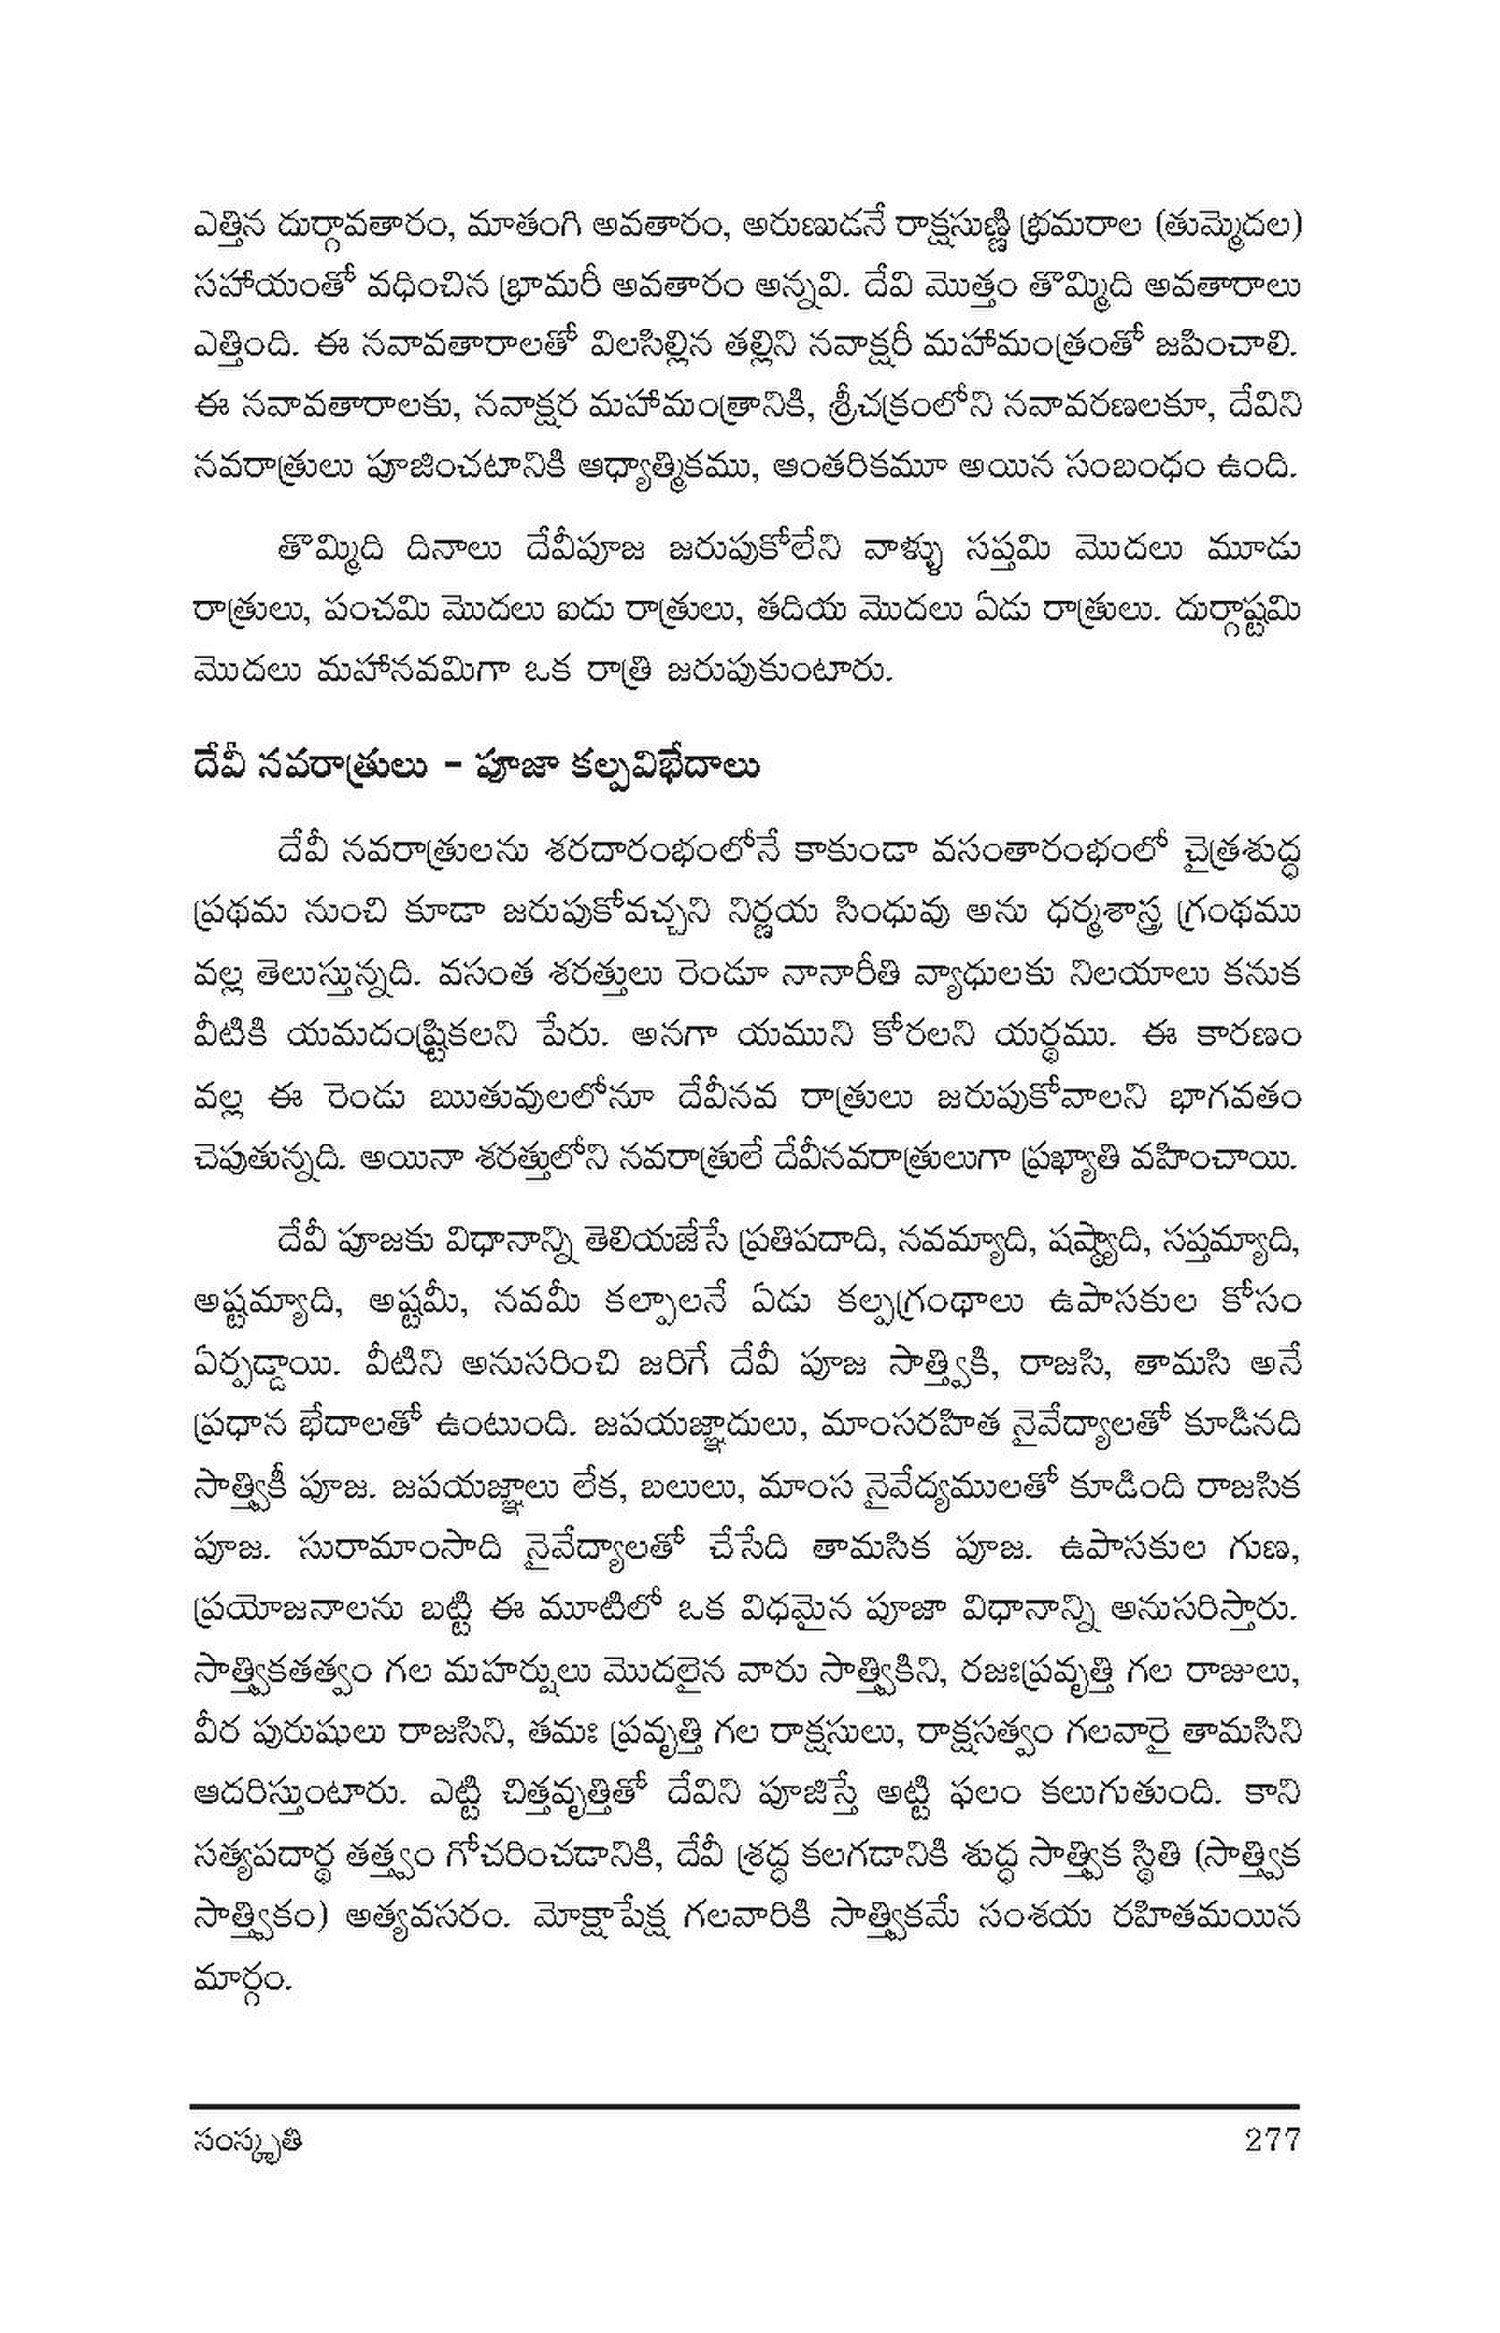ఎత్తిన దుర్గావతారం, మాతంగి అవతారం, అరుణుడనే రాక్షసుణ్ణి భ్రమరాల (తుమ్మెదల)
సహాయంతో వధించిన భ్రామరీ అవతారం అన్నవి. దేవి మొత్తం తొమ్మిది అవతారాలు
ఎత్తింది. ఈ నవావతారాలతో విలసిల్లిన తల్లిని నవాక్షరీ మహామంత్రంతో జపించాలి.
ఈ నవావతారాలకు, నవాక్షర మహామంత్రానికి, శ్రీచక్రంలోని నవావరణలకూ, దేవిని
నవరాత్రులు పూజించటానికి ఆధ్యాత్మికము, అంతరికమూ అయిన సంబంధం ఉంది.

తొమ్మిది దినాలు దేవీపూజ జరుపుకోలేని వాళ్ళు సప్తమి మొదలు మూడు
రాత్రులు, పంచమి మొదలు ఐదు రాత్రులు, తదియ మొదలు ఏడు రాత్రులు. దుర్గాష్టమి
మొదలు మహానవమిగా ఒక రాత్రి జరుపుకుంటారు.

దేవీ నవరాత్రులు - పూజా కల్పవిభేదాలు

దేవీ నవరాత్రులను శరదారంభంలోనే కాకుండా వసంతారంభంలో చైత్రశుద్ధ
ప్రథమ నుంచి కూడా జరుపుకోవచ్చని నిర్ణయ సింధువు అను ధర్మశాస్త్ర గ్రంథము
వల్ల తెలుస్తున్నది. వసంత శరత్తులు రెండూ నానారీతి వ్యాధులకు నిలయాలు కనుక
వీటికి యమదంష్టికలని పేరు. అనగా యముని కోరలని యర్థము. ఈ కారణం
వల్ల ఈ రెండు ఋతువులలోనూ దేవీనవ రాత్రులు జరుపుకోవాలని భాగవతం
చెపుతున్నది. అయినా శరత్తులోని నవరాత్రులే దేవీనవరాత్రులుగా ప్రఖ్యాతి వహించాయి.

దేవీ పూజకు విధానాన్ని తెలియజేసే ప్రతిపదాది, నవమ్యాది, షష్ట్యాది, సప్తమ్యాది,
అష్టమ్యాది, అష్టమీ, నవమీ కల్పాలనే ఏడు కల్పగ్రంథాలు ఉపాసకుల కోసం
ఏర్పడ్డాయి. వీటిని అనుసరించి జరిగే దేవీ పూజ సాత్త్వికి, రాజసి, తామసి అనే
ప్రధాన భేదాలతో ఉంటుంది. జపయజ్ఞాదులు, మాంసరహిత నైవేద్యాలతో కూడినది
సాత్త్వికీ పూజ. జపయజ్ఞాలు లేక, బలులు, మాంస నైవేద్యములతో కూడింది రాజసిక
పూజ. సురామాంసాది నైవేద్యాలతో చేసేది తామసిక పూజ. ఉపాసకుల గుణ,
ప్రయోజనాలను బట్టి ఈ మూటిలో ఒక విధమైన పూజా విధానాన్ని అనుసరిస్తారు.
సాత్వికతత్వం గల మహర్షులు మొదలైన వారు సాత్వికిని, రజఃప్రవృత్తి గల రాజులు,
వీర పురుషులు రాజసిని, తమః ప్రవృత్తి గల రాక్షసులు, రాక్షసత్వం గలవారై తామసిని
ఆదరిస్తుంటారు. ఎట్టి చిత్తవృత్తితో దేవిని పూజిస్తే అట్టి ఫలం కలుగుతుంది. కానీ
సత్యపదార్థ తత్త్వం గోచరించడానికి, దేవీ శ్రద్ధ కలగడానికి శుద్ధ సాత్విక స్థితి (సాత్విక
సాత్వికం) అత్యవసరం. మోక్షాపేక్ష గలవారికి సాత్వికమే సంశయ రహితమయిన
మార్గం.